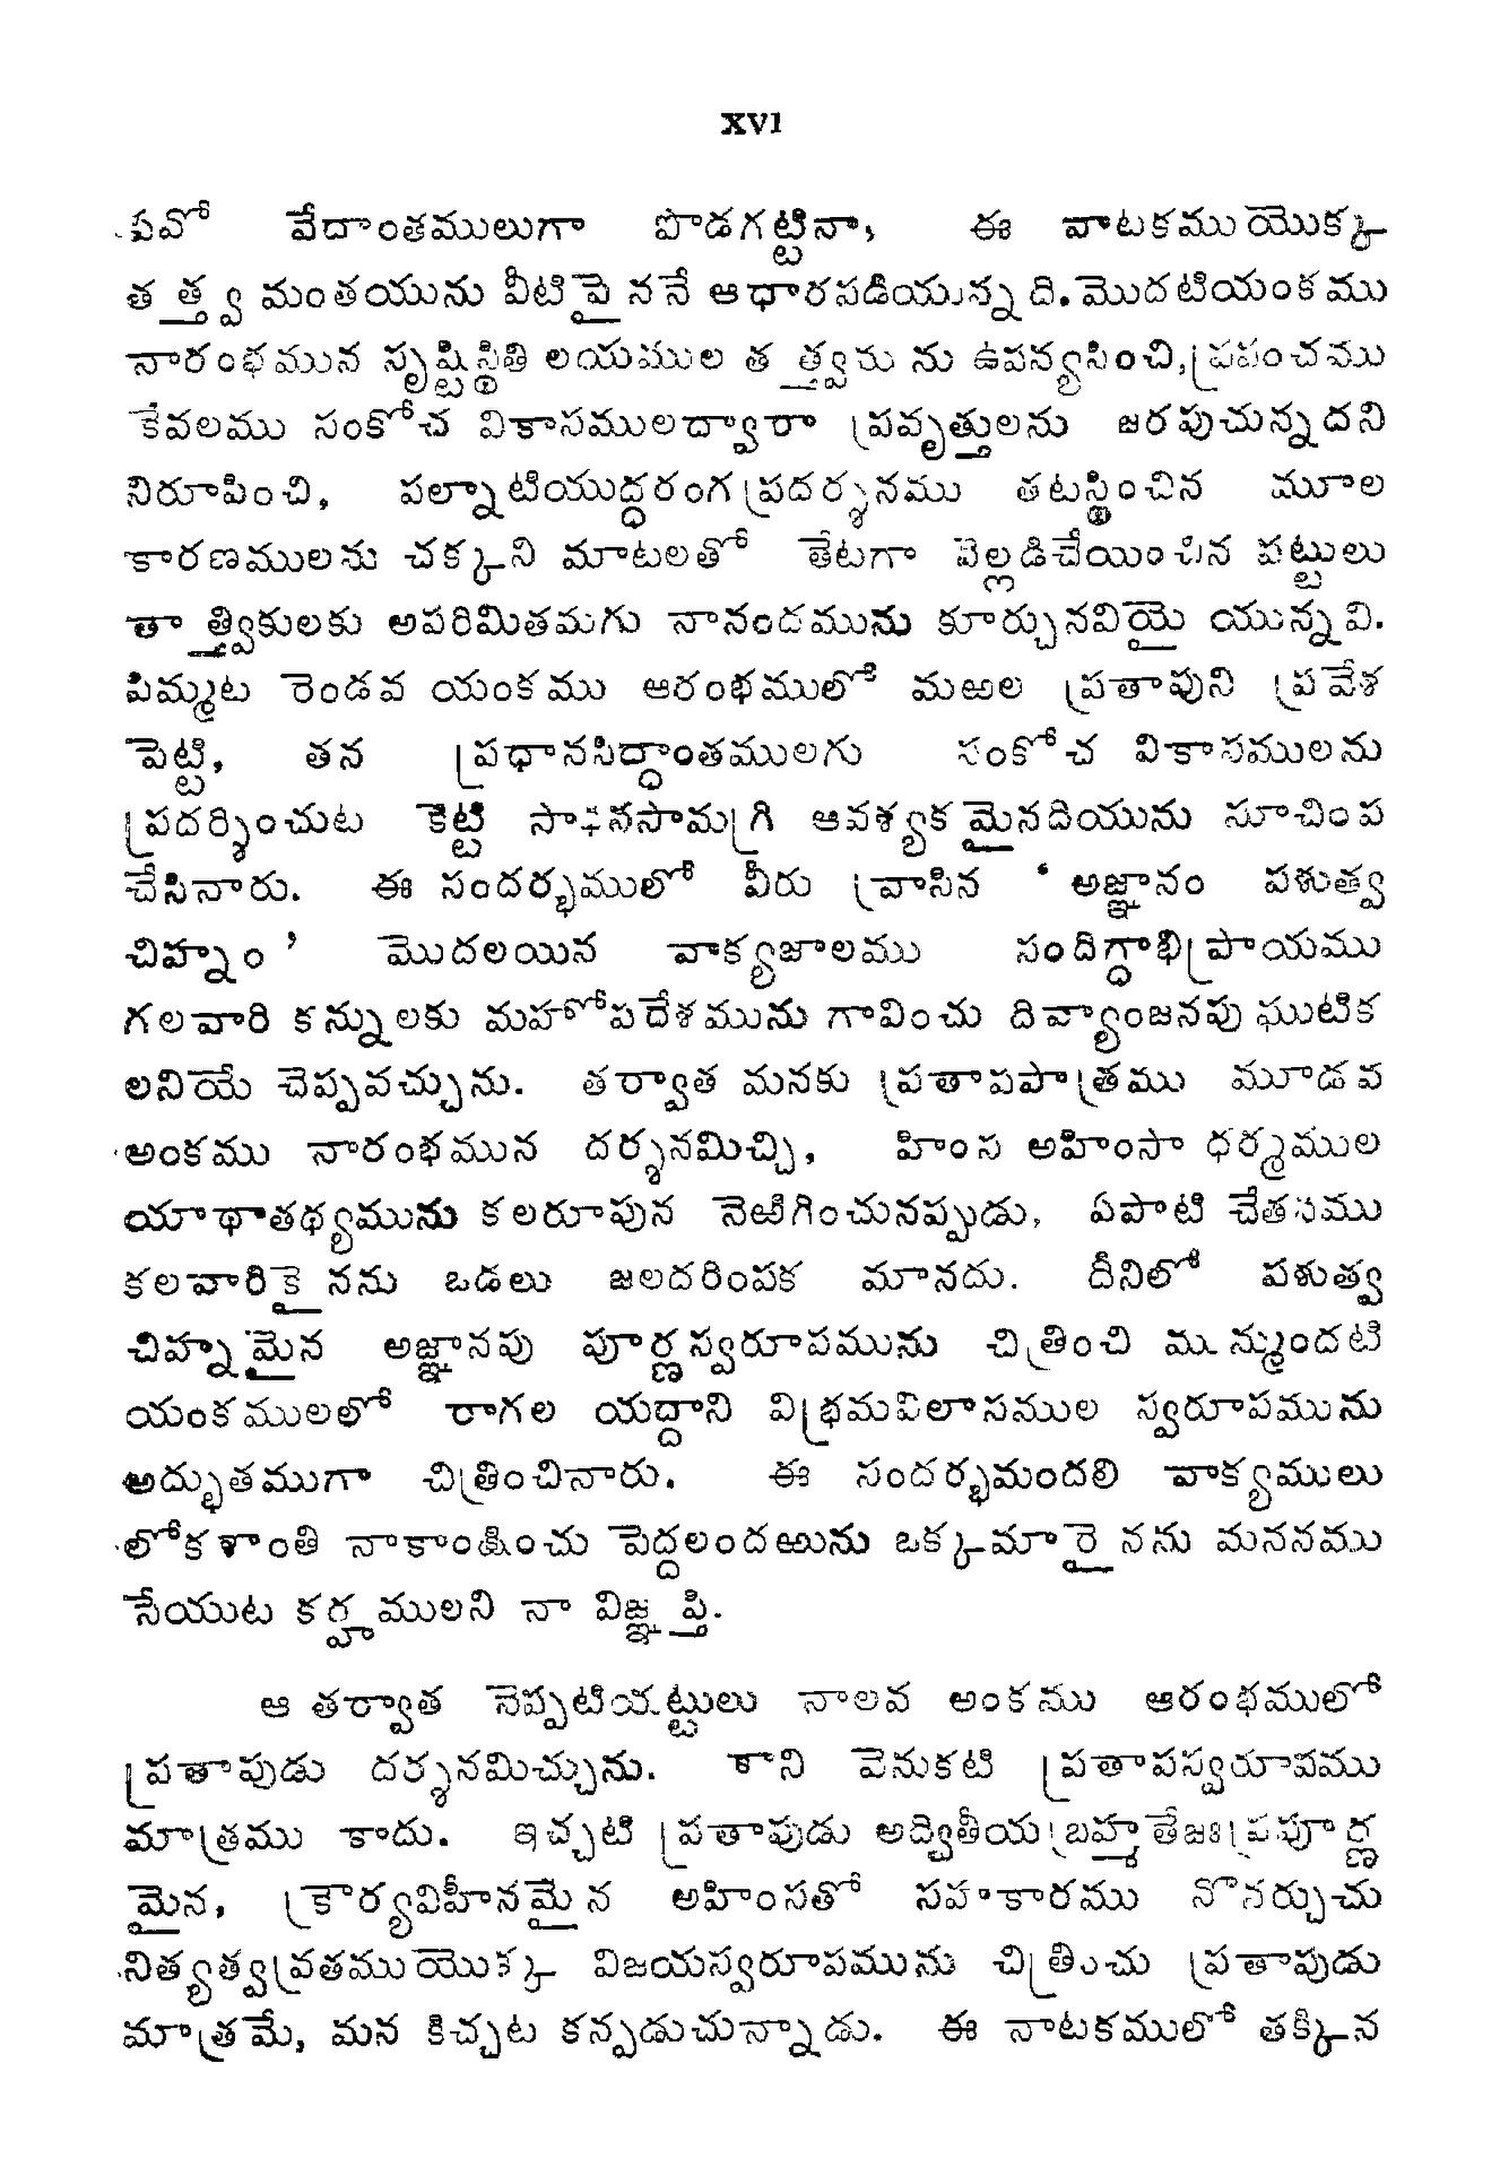ఏవో వేదాంతములుగా పొడగట్టినా, ఈ నాటకముయొక్క తత్త్వ మంతయును వీటిపైననే ఆధారపడియున్నది. మొదటియంకము నారంభమున సృష్టిస్థితి లయముల తత్త్వమును ఉపన్యసించి, ప్రపంచము కేవలము సంకోచ వికాసములద్వారా ప్రవృత్తులను జరపుచున్నదని
నిరూపించి, పల్నాటియుద్ధరంగప్రదర్శనము తటస్థించిన మూలకారణములను చక్కని మాటలతో తేటగా వెల్లడిచేయించిన పట్టులు తాత్త్వికులకు అపరిమితమగు నానందమును కూర్చునవియై యున్నవి. పిమ్మట రెండవ యంకము ఆరంభములో మఱల ప్రతాపుని ప్రవేశపెట్టి, ప్రధాన సిద్ధాంతములగు సంకోచ వికాసములను ప్రదర్శించుట కెట్టి సాధనసామగ్రి ఆవశ్యకమైనదియును సూచింప చేసినారు. ఈ సందర్భములో వీరు వ్రాసిన "అజ్ఞానం పశుత్వ చిహ్నం" మొదలయిన వాక్యజాలము సందిగ్దాభిప్రాయము గలవారి కన్నులకు మహోపదేశమును గావించు దివ్యాంజనపు ఘుటికలనియే చెప్పవచ్చును. తర్వాత మనకు ప్రతాపపాత్రము మూడవ అంకము నారంభమున దర్శనమిచ్చి , హింస అహింసా ధర్మముల యాథాతథ్యమును కలరూపున నెఱిగించునప్పుడు, ఏపాటి చేతనము కలవారికైనను ఒడలు జలదరింపక మానదు. దీనిలో పశుత్వ చిహ్నమైన అజ్ఞానపు పూర్ణస్వరూపమును చిత్రించి మున్ముందటి యంకములలో రాగల యద్దాని విభ్రమవిలాసముల స్వరూపమును అద్భుతముగా చిత్రించినారు. ఈ సందర్భమందలి వాక్యములు
లోకశాంతి నాకాంక్షించు పెద్దలందఱును ఒక్కమారైనను మననము సేయుట కర్హములని నా విజ్ఞప్తి.

ఆ తర్వాత నెప్పటియట్టులు నాలవ అంకము ఆరంభములో ప్రతాపుడు దర్శనమిచ్చును. కాని వెనుకటి ప్రతాపస్వరూపము మాత్రము కాదు. ఇచ్చటి ప్రతాపుడు అద్వితీయ బ్రహ్మతేజుఃప్రపూర్ణమైన, క్రౌర్యవిహీనమైన అహింసతో సహకారము నొనర్చుచు నిత్యత్వవ్రతముయొక్క విజయస్వరూపమును చిత్రించు ప్రతాపుడు మాత్రమే, మన కిచ్చట కన్పడుచున్నాడు. ఈ నాటకములో తక్కిన